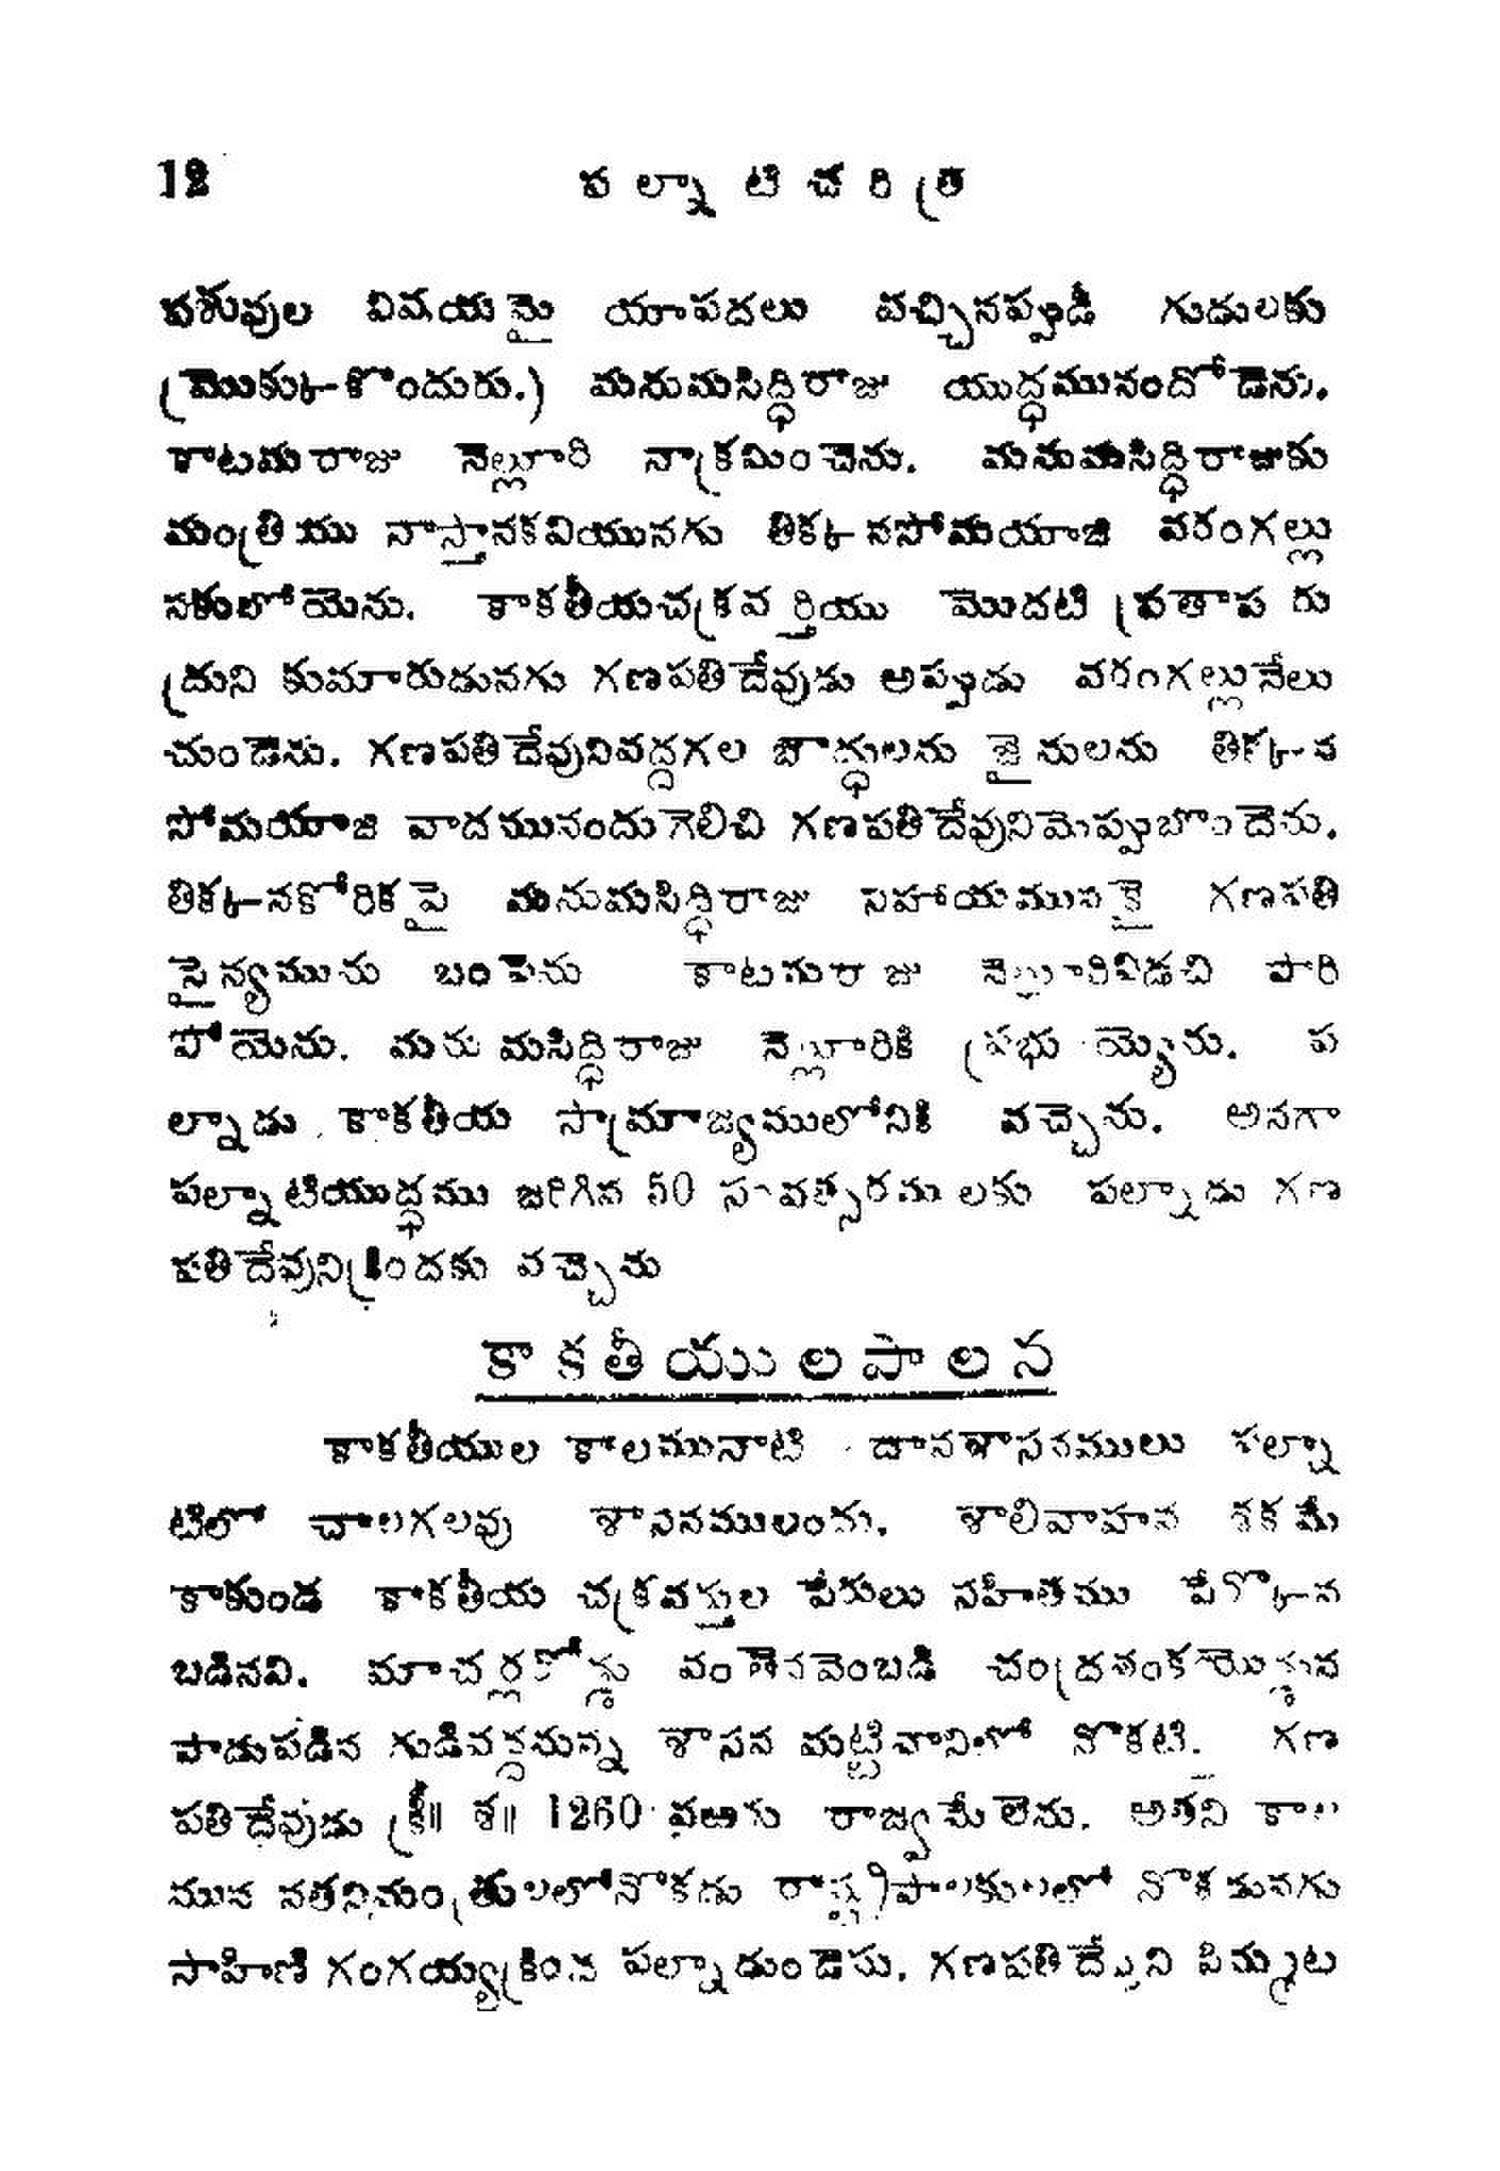పశువుల విషయమై యాపదలు వచ్చినప్పుడీ గుడులకు
మ్రొక్కుకొందురు.) మనుమసిద్ధిరాజుయుద్ధమునందోడెన
కాటమరాజు నెల్లూరి నాక్రమించెను.మనుమసిద్ధిరాజుకు
మంత్రియు నాస్తానకవియునగు తిక్కన సోమయాజి వరంగల్లునకు 
బోయెను. కాకతీయ చక్రవర్తియు మొదటి ప్రతాప రుద్రుని 
కుమారుడునగు గణపతిదేవుడు అప్పుడు వరంగల్లు నేలు
చుండెను. గణపతి దేవునివద్దగల బౌద్ధులను జైనులను తిక్కవ
సోమయాజి వాదమునందు గెలిచి గణపతి దేవుని మెప్పుపొందెను.
తిక్కనకోరికపై మనుమసిద్ధిరాజు సహాయమునికై గణపతి
సైన్యమును బంపెను. కాటమరాజు నెల్లూరివిడచి పారి
పోయెను. మనుమసిద్ధిరాజు నెల్లూరికి ప్రభువయ్యెను. 
పల్నాడు కాకతీయ సామ్రాజ్యములోనికి వచ్చెను. అనగా
పల్నాటియుద్ధము జరిగిన 50 సంవత్సరము లకు పల్నాడు 
గణపతి దేవుని క్రిందకు వచ్చెను. 

కాకతీయుల కాలమునాటి దానశాసనములు పల్నాటిలో 
చాలగలవు శాసనములందు, శాలివాహన శకమే కాకుండ 
కాకతీయ చక్రవర్తుల పేరులు సహితము పేర్కొన
బడినవి. మాచర్లరోడ్డు వంతెనవెంబడి చంద్రవంక యొడ్డున
పాడుపడిన గుడివద్దనున్న శాసన మట్టివానిలో నొకటి.
గణపతి దేవుడు క్రీ॥ శ॥ 1260 వఱకు రాజ్యమేలెను. అతని 
కాలమున నతనిమంత్రులలో నొకడు రాష్ట్ర పాలకులలో నొకడునగు
సాహిణి గంగయ్యక్రింద పల్నాడుండెను. గణపతిదేవు ని పిమ్మట